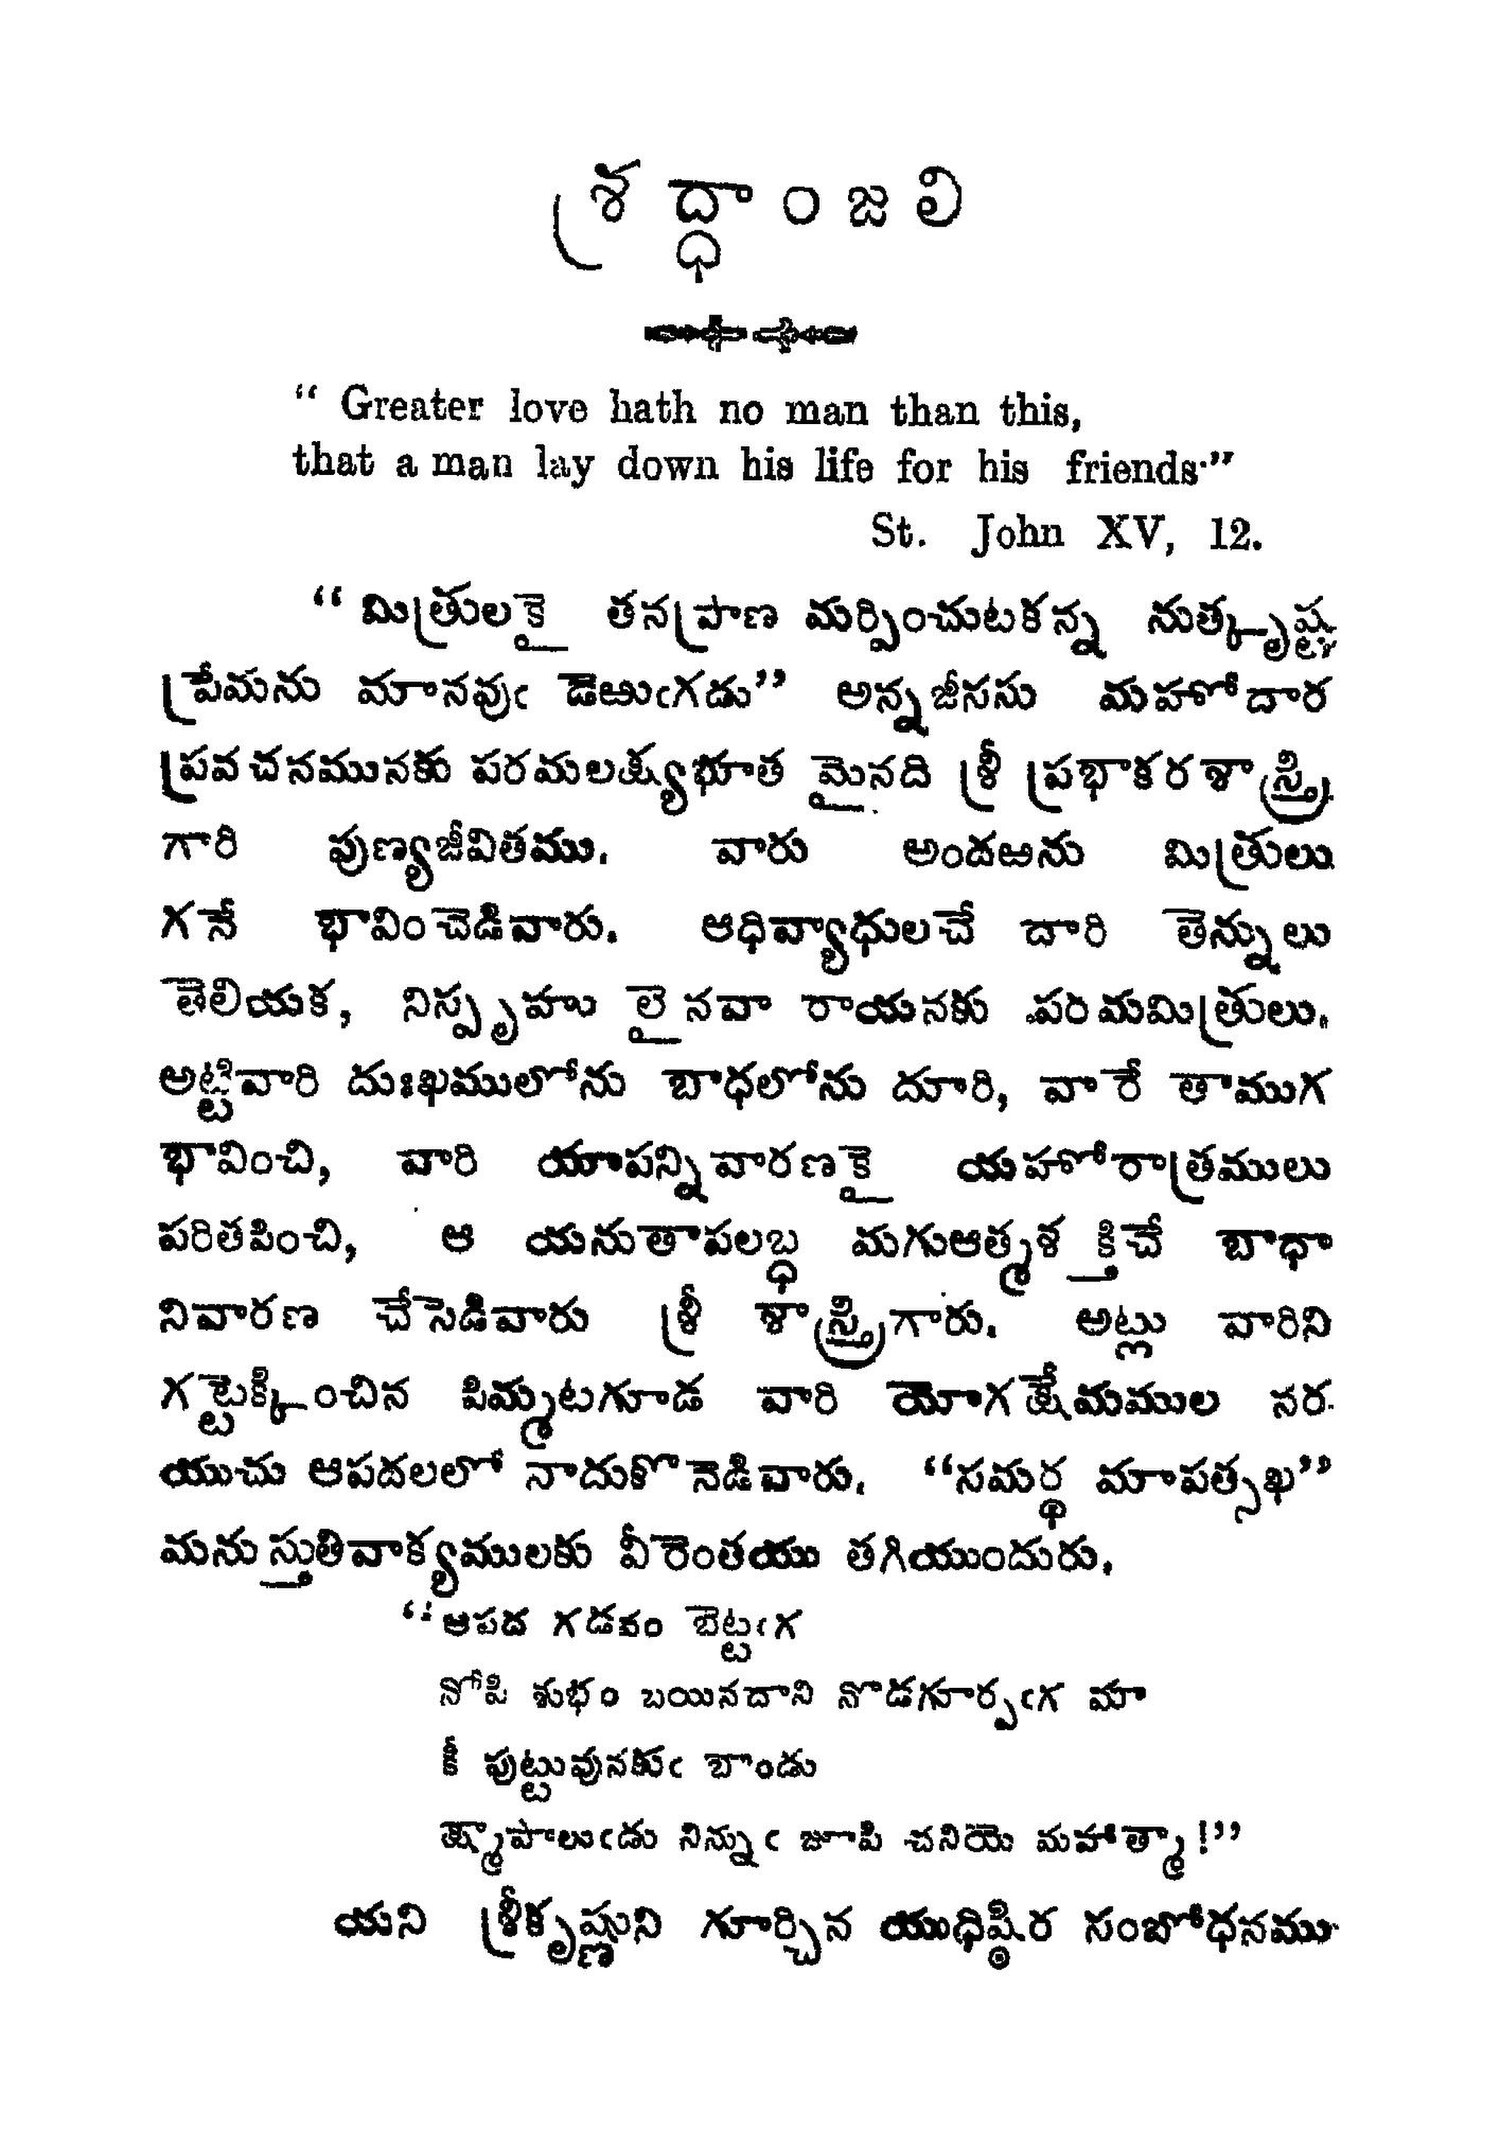"Greatear love hath no man than this 
that a man lay down hislife for his friends."
 st. john Xv, 12.

"మిత్రులకై తన ప్రాణ మర్పించుటకన్న నుత్కృష్ట ప్రేమను మానవుఁ డెఱుఁగడు" అన్నజీససు మహోదార ప్రవచనమునకు పరమ లక్ష్యభూతమైనది శ్రీ ప్రభాకర శాస్త్రి గారి పుణ్య జీవితము. వారు అందఱను మిత్రులు గనే భావించెడివారు. అధివ్యాధులచే దారి తెన్నులు తెలియక, నిస్పృహు లైనవా రాయనకు పరమమిత్రులు. అట్టివారి దుఃఖము లోను బాధలోను దూరి, వారే తాముగ భావించి, వారి యాపన్నివారణకై యాహొరాత్రములు పరితపించి, అ యనుతా పలబ్ద మగుఆత్మశక్తిచే బాధా నివారణ చేసెడి వారు శ్రీ శాస్త్రి గారు. అట్లు వారిని గట్టెక్కించిన పిమ్మట గూడ వారి యోగ క్షేమముల నరయుచు ఆపదలో నాదుకొనెవారు." సమర్ధ మాపత్సఖ" మనుస్తుతి వాక్యములకు వీ రెంతయు తాగి యుందురు.
 
"ఆపద గడవం బెట్టఁ గ 
నోపి శుభం బయినదాని నొడగూర్పఁ గ మా 
కీ పుట్టువునకుఁ బాండు 
క్ష్మాపాలుఁడు నిన్నుఁజూపి చనియె మహాత్మా"

యని శ్రీకృష్ణుని గూర్చిన యుధిష్టిర సంబోధనము